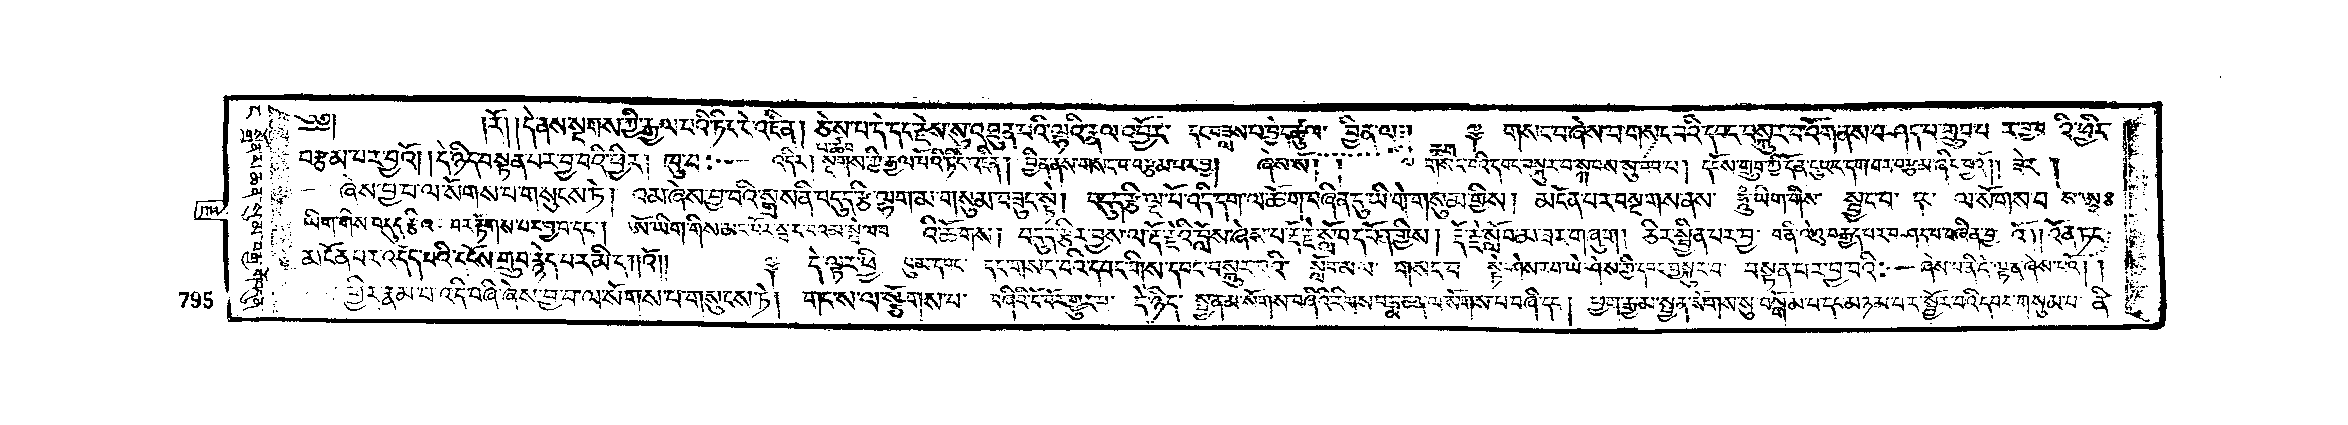༄༅། །རོ། །དེ་ནས་སྔགས་ཀྱི་རྒྱལ་བའི་ཏིང་ངེ་འཛིན། ཅེས་པ་དེ་དང་རྗེས་སུ་འཐུན་པའི་ལྷའི་རྣལ་འབྱོར་དང་བཟླས་པ་བྱེད་ཚུལ་བྱིན་ལ། ༈ གསང་བ་ཞེས་པ་གསང་བའི་དབང་བསྐུར་བ་འོག་ནས་བཤད་པ་གྲུབ་པར་བྱ་བའི་ཕྱིར་
བརྩམ་པར་བྱའོ། །དེ་ཉིད་བསྟན་པར་བྱ་བའི་ཕྱིར། ཁུ་བ་འདིར། པ་ཚབ་སྔགས་ཀྱི་རྒྱལ་པོའི་ཏིང་ངེ་འཛིན། བྱིན་ནས་གསང་བ་བརྩམ་པར་བྱ། ཞེས་སོ། ། ༧ཆག་གསང་བའི་དབང་བསྐུར་བ་སྐབས་སུ་བབ་པ། དངོས་གྲུབ་ཀྱི་དོན་དུ་ཡང་དག་པར་བརྩམ་ཞད་བྱའོ། ཟེར། ?
.H ཞེས་བྱ་བ་ལ་སོགས་པ་གསུངས་ཏེ། འམ་ཞེས་བྱ་བའི་སྒྲས་ནི་བདུད་རྩི་ལྷག་མ་གསུམ་བཟུང་སྟེ། བདུད་རྩི་ལྔ་པོ་འདི་དག་ཆོ་ག་བཞིན་དུ་ཡི་གེ་གསུམ་གྱིས། མངོན་པར་བསྔགས་ནས་ཧཱུཾ་ཧཱུཾ་ཡིག་གིས་སྤྱད་པ་དང་ལ་སོགས་པས་ཨཱཿ
ཡིག་གིས་བདུད་རྩིའི་ང་བར་རྟོགས་པར་བྱ་བ་དང་། ཨོཾ་ཡིག་གིས་མང་པོར་སྤར་བའམ་སྤེལ་བའི་ཆོ་གས། བདུད་རྩིར་བྱས་ལ་རྡོ་རྗེའི་བློས་ཞེས་པ་རྡོ་རྗེ་སློབ་དཔོན་གྱིས། རྡོ་རྗེ་སློབ་མ་ཟར་གཞུག །ཅིར་སྦྱིན་པར་བྱ་བ་ནི་ལེའུ་བརྒྱད་པར་བཤད་པ་བཞིན་བྱའོ། །འོན་ཏང་
མངོན་པར་འདོད་པའི་དངོས་གྲུབ་རྙེད་པར་མི་དཀའོ།། ༈ དེ་ལྟར་ཕྱི་བུམ་དབང་དང་གསང་བའི་དབང་གིས་དབང་བསྐུར་བའི་སློབ་མ་ལ་གསང་བ་སྟེ་ཤེས་རབ་ཡེ་ཤེས་ཀྱི་དབང་བསྡུར་བ་བསྟན་པར་བྱ་བའི་H.་ཞེས་པ་ནི་དེ་ལྟ་ན་ཞེས་པའོ། །
.H ཕྱིར་རྣམ་པ་འདི་བཞི་ཞེས་བྱ་བ་ལ་སོགས་པ་གསུངས་ཏེ། གང་ས་ལ་སྩོགས་པ་བཞིའི་ངོ་བོར་གྱུར་བ་དེ་ཉིད་སྤྱན་མ་སོགས་བཞིའི་རིགས་པདམ་ཅན་ལ་སོགས་པ་བཞི་དང་། ཕྱག་རྒྱ་མ་སྤྱན་སོགས་སུ་བསྒོམ་པ་དང་མཉམ་པར་སྦྱོར་བའི་དབང་གསུམ་པ་ནི་